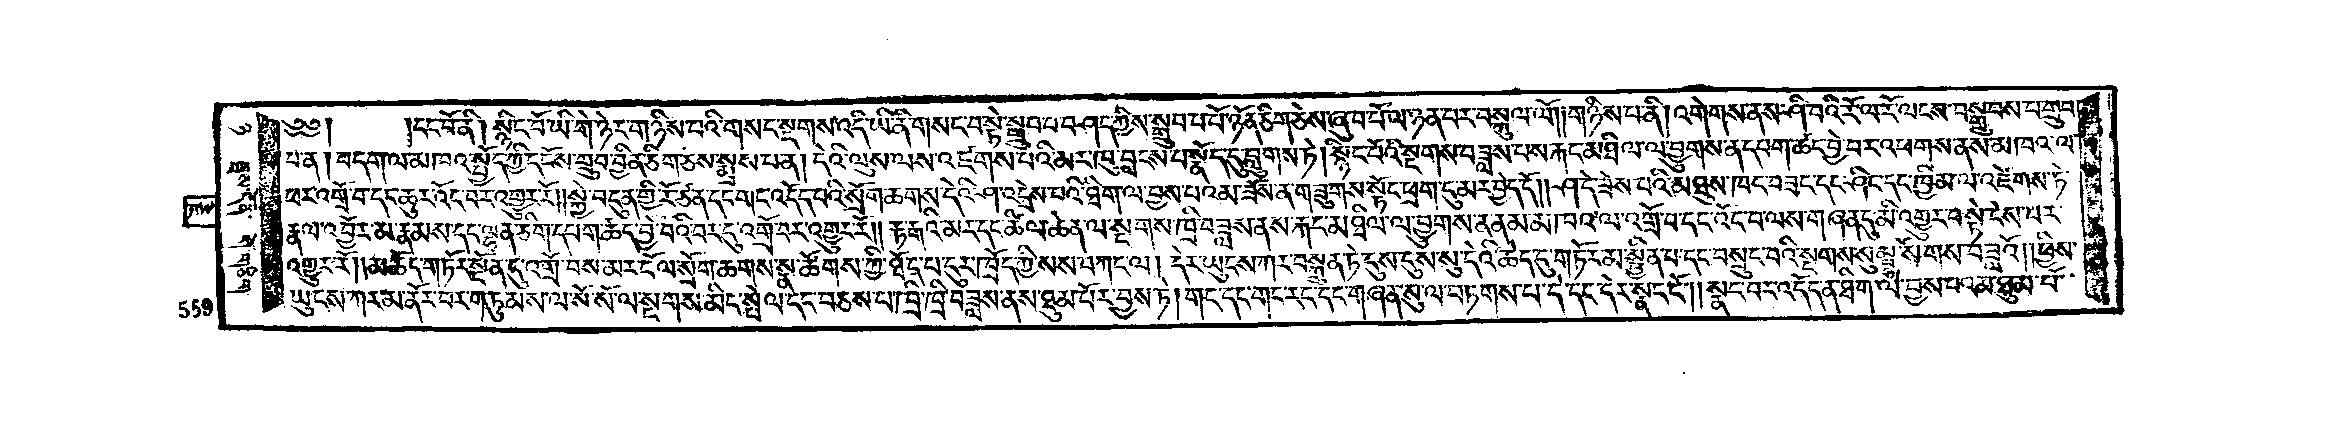༄༅། །དང་པོ་ནི། སྙིང་པོ་ཡི་གེ་ཉེར་གཉིས་པའི་གསང་སྔགས་འདི་ཡི་ནི་གསང་བ་སྟེ་སྒྲུབ་པ་བཤད་ཀྱིས་སྒྲུབ་པ་པོ་ཉོན་ཅིག་ཅེས་ཞུ་བ་པོ་ལ་ཉན་པར་བསྐུལ་ལོ། །གཉིས་པ་ནི། འགེགས་ནས་ཤི་བའི་རོ་ལ་རོ་ལངས་བསྒྲུབས་པ་གྲུབ་
པ་ན། བདག་ལ་མཁའ་སྤྱོད་ཀྱི་དངོས་གྲུབ་བྱིན་ཅིག་ཅེས་སྨྲས་པ་ན། དེའི་ལུས་ལས་འཛགས་པའི་མར་ཁུ་བླངས་པ་སྣོད་དུ་བླུགས་ཏེ། སྙིང་པོའི་སྔགས་བཟླས་པས་རྐང་མཐིལ་ལ་བྱུགས་ན་དཔག་ཚད་བྱེ་བར་འཕགས་ནས་མཁའ་ལ་
ཕར་འགྲོ་བ་དང་ཚུར་འོང་བར་འགྱུར་རོ། །སྐྱེ་བདུན་གྱི་རོ་ཙ་ན་དང་གང་འདོད་པའི་སྲོག་ཆགས་དེའི་ཤ་འདྲེས་པའི་ཐིག་ལ་བྱས་པའམ་ཟོས་ན་གཟུགས་སྟོང་ཕྲག་དུ་མར་བྱེད་དོ། །ཤ་དེ་ཟོས་པའི་མཐུས་ཁང་བཟང་དང་ཤིང་དང་ཁྱིམ་ལ་འཛེགས་ཏེ་
རྣལ་འབྱོར་མ་རྣམས་དང་ལྷན་ཅིག་དཔག་ཚད་བྱེ་བའི་བར་དུ་འགྲོ་བར་འགྱུར་རོ། །རྟ་རྒའི་མར་དང་ཚིལ་ཆེན་ལ་སྔགས་ཁྲི་བཟླས་ནས་རྐང་མཐིལ་ལ་བྱུགས་ན་ནམ་མཁའ་ལ་འགྲོ་བ་དང་འོང་བ་ལས་གཞན་དུ་མི་འགྱུར་བ་སྟེ་ངེས་པར་
འགྱུར་རོ། །མཆོད་གཏོར་སྔོན་དུ་འགྲོ་བས་མར་ངོ་ལ་སྲོག་ཆགས་སྣ་ཚོགས་ཀྱི་ཐོད་པ་དུར་ཁྲོད་ཀྱི་སས་བཀང་ལ། དེར་ཡུངས་ཀར་བསྐྲུན་ཏེ་དུས་དུས་སུ་དེའི་ཆེད་དུ་གཏོར་མ་སྦྱིན་པ་དང་བསྲུང་བའི་སྔགས་སུམྦྷ་སོགས་བཟླའོ། །ཕྱིས་
ཡུངས་ཀར་མ་ནོར་བར་གཏུམས་ལ་སོ་སོ་ལ་སྔགས་མིང་སྤེལ་དང་བཅས་པ་ཁྲི་ཁྲི་བཟླས་ནས་ཐུམ་པོར་བྱས་ཏེ། གང་དང་གང་རང་དང་གཞན་སུ་ལ་བཏགས་པ་དེ་དང་དེར་སྣང་ངོ། །སྣང་བར་འདོད་ན་ཐིག་ལེ་བྱས་པའམ་ཐུམ་པོ་